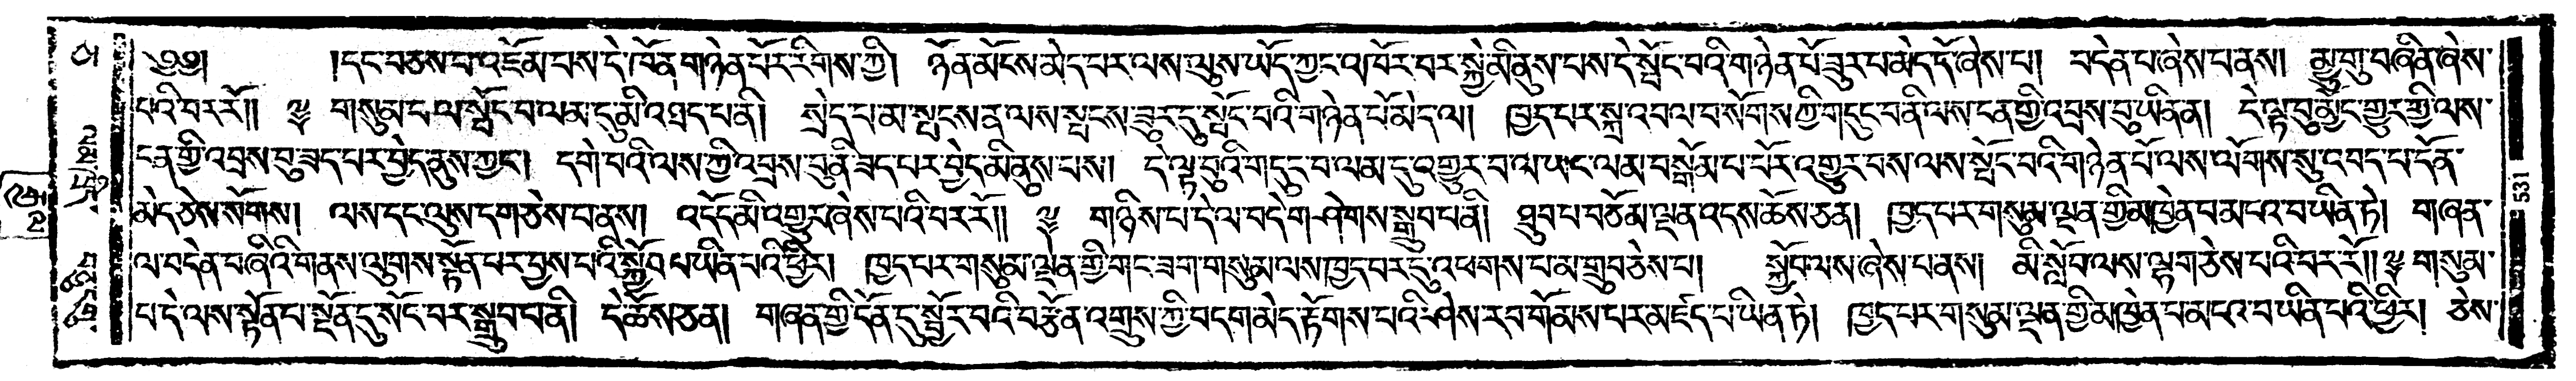༄༅། །དང་བཅས་པ་འཇོམ་པས་དེ་ཁོ་ན་གཉེན་པོར་རིགས་ཀྱི། ཉོན་མོངས་མེད་པར་ལས་ལུས་ཡོད་ཀྱང་འཁོར་བར་སྐྱེ་མི་ནུས་པས་དེ་སྤོང་བའི་གཉེན་པོ་ཟུར་པ་མེད་དོ་ཞེས་པ། བདེན་པ་ཞེས་པ་ནས། མྱུ་གུ་བཞིན་ཞེས་
པའི་བར་རོ།། ༈ གསུམ་པ་ལ་སྤོང་བ་ལམ་དུ་མི་འཐད་པ་ནི། སྲེད་པ་མ་སྤངས་ན་ལས་སྤངས་ཟུར་དུ་སྤོང་བའི་གཉེན་པོ་མེད་ལ། ཁྱད་པར་སྐྲ་འབལ་བ་སོགས་ཀྱི་གདུང་བ་ནི་ལས་ངན་གྱི་འབྲས་བུ་ཡིན་ན། དེ་ལྟ་བུ་མྱོང་གྱུར་གྱི་ལས་
ངན་གྱི་འབྲས་བུ་ཟད་པར་བྱེད་ནུས་ཀྱང་། དགེ་བའི་ལས་ཀྱི་འབྲས་བུ་ནི་ཟད་པར་བྱེད་མི་ནུས་པས། དེ་ལྟ་བུའི་གདུང་བ་ལམ་དུ་འགྱུར་བ་ལ་ཡང་ལམ་བསྒོམ་པ་པོར་འགྱུར་བས་ལས་སྤོང་བའི་གཉེན་པོ་ལས་ལོགས་སུ་འབད་པ་དོན་
མེད་ཅེས་སོགས། ལས་དང་ལུས་དག་ཅེས་པ་ནས། འདོད་མི་འགྱུར་ཞེས་པའི་བར་རོ།། ༈ གཉིས་པ་དེ་ལ་བདེ་གཤེགས་སྒྲུབ་པ་ནི། ཐུབ་པ་བཅོམ་ལྡན་འདས་ཆོས་ཅན། ཁྱད་པར་གསུམ་ལྡན་གྱི་མཁྱེན་པ་མངའ་བ་ཡིན་ཏེ། གཞན་
ལ་བདེན་བཞིའི་གནས་ལུགས་སྟོན་པར་བྱས་པའི་སྐྱོབ་པ་ཡིན་པའི་ཕྱིར། ཁྱད་པར་གསུམ་ལྡན་གྱི་གང་ཟག་གསུམ་ལས་ཁྱད་པར་དུ་འཕགས་པ་མ་གྲུབ་ཅེས་པ། སྐྱོབ་ལས་ཞེས་པ་ནས། མི་སློབ་ལས་ལྷག་ཅེས་པའི་བར་རོ།། ༈ གསུམ་
པ་དེ་ལས་སྟོན་པ་སྔོན་དུ་སོང་བར་སྒྲུབ་པ་ནི། དེ་ཆོས་ཅན། གཞན་གྱི་དོན་དུ་སྦྱོར་བའི་བརྩོན་འགྲུས་ཀྱི་བདག་མེད་རྟོགས་པའི་ཤེས་རབ་གོམས་པར་མཛད་པ་ཡིན་ཏེ། ཁྱད་པར་གསུམ་ལྡན་གྱི་མཁྱེན་པ་མངའ་བ་ཡིན་པའི་ཕྱིར། ཅེས་